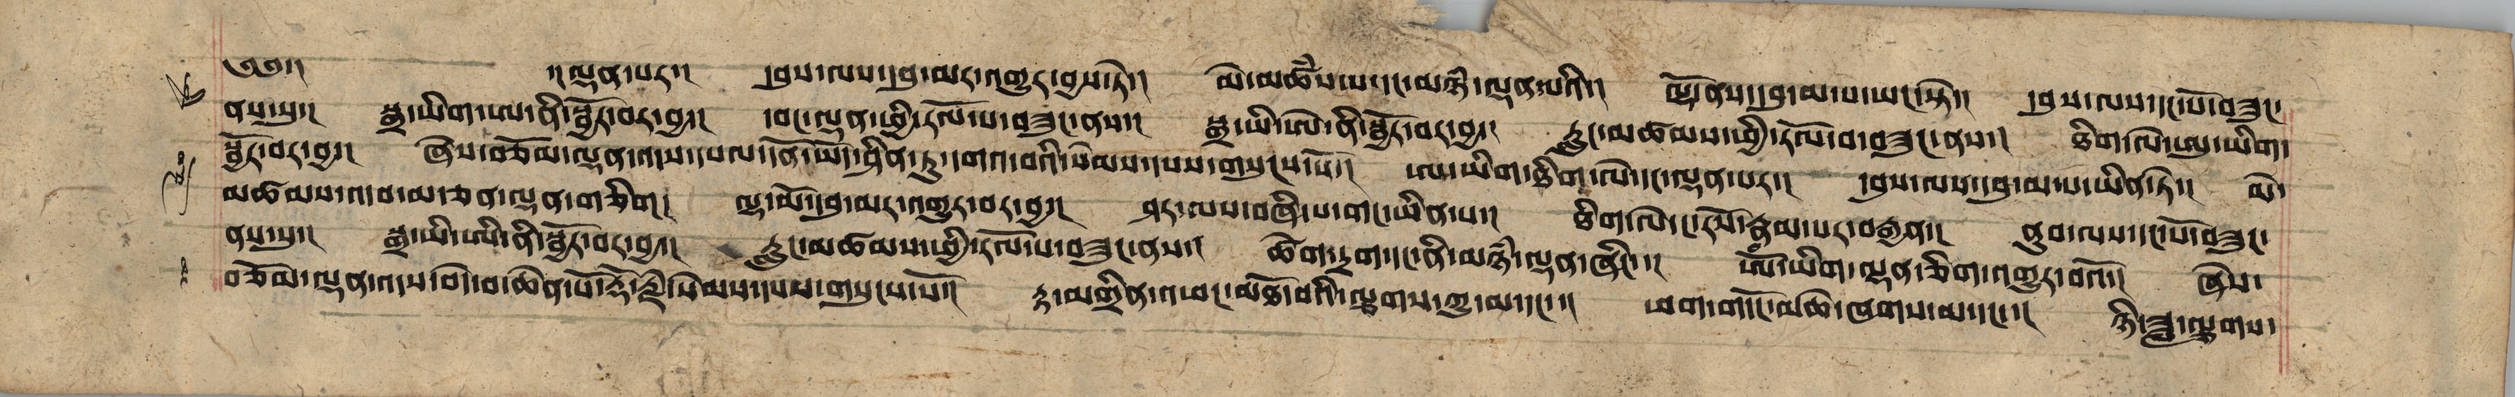༄༅་། ་།ལྡན་པར་། དབུས་ལས་དབུ་མར་འགྱུར་བྱས་ཏེ་། མེ་མཚཾས་ས་དང་མཉཾ་ལྡན་པའི་། ལྷོ་ནས་དབུ་མ་པ་ཡང་སྟེ་། དབུས་ལས་དང་པོ་བཟུང་
ནས་སུ་། སྒྲ་ཡིག་ཨ་ནི་སྦྱོར་བར་བྱ་། དབང་ལྡན་ཕྱི་རོལ་ས་བཟུང་ནས་། སྒྲ་ཡི་ཨེ་ནི་སྦྱོར་བར་བྱ་། རླུང་མཚམས་ཕྱི་རོལ་བ་བཟུང་ནས་། ཐིག་ལེ་ཨུ་ཡིག་
སྦྱོར་བར་བྱ་། ཞེས་བཅོམ་ལྡན་འདས་དཔལ་དོན་ཡོད་ཤིན་ཏུ་དགའ་བའི་སེམས་དཔས་གསུངས་སོ་། ཨ་ཡིག་ཐིག་ལེ་དང་ལྡན་པར་། དབུས་ལས་དབུ་མ་པ་ཡིན་ཏེ་། མེ་
མཚམས་འདབ་མ་ཅན་ལྡན་གཅིག། ལྷ་མོ་དབུ་མར་འགྱུར་བར་བྱ་། ཤར་ལས་བཞི་པ་གང་ཡིན་པ་། ཐིག་ལེ་ང་རོས་རྣམ་པར་བརྒྱན་། ནུབ་ལས་དང་པོ་བཟུང་
ནས་སུ་། སྒྲ་ཡི་ཨི་ནི་སྦྱོར་བར་བྱ་། རླུང་མཚམས་ཕྱི་རོལ་པ་བཟུང་ནས་། ཚེག་དྲག་དང་ནི་མཉཾ་ལྡན་ཞིང་་། ཨོཾ་ཡིག་ལྷན་ཅིག་འགྱུར་བའོ་། ཞེས་
བཅོམ་ལྡན་འདས་བདེ་བ་ཆེན་པོ་རྡོ་རྗེ་སེམས་དཔས་གསུངས་སོ་། རྟ་མགྲིན་འཕཌ་མཐོ་བའི་ལྕགས་ཀྱུ་མ་དང་་། ཕག་གདོང་མཆེ་ཞགས་མ་དང་་། ཉི་ཟླ་ལྕགས་